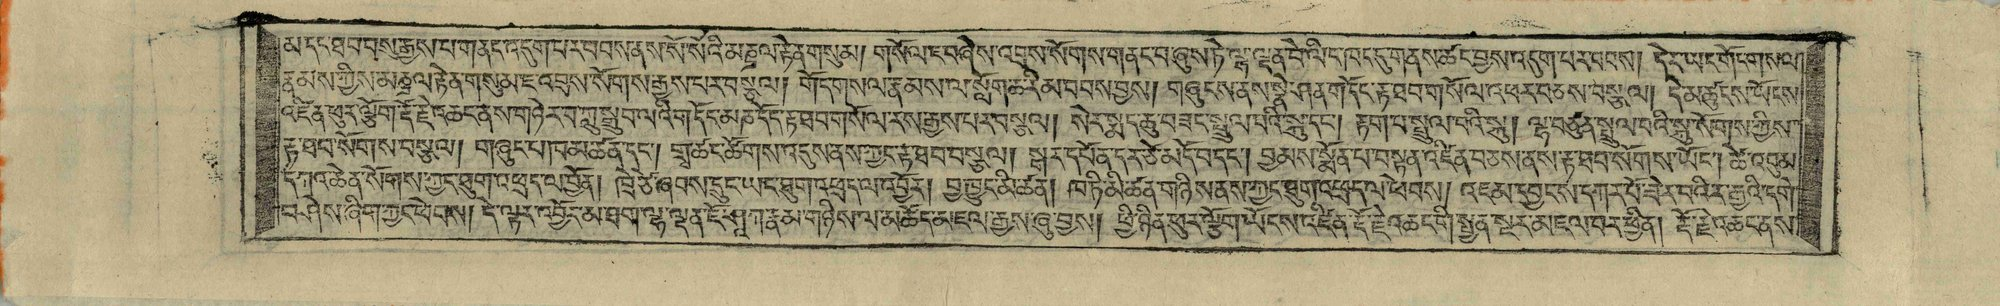མ་དང་ཐབ་བསུ་རྒྱས་པ་གནང་འདུག་པར་བབས་ནས་སོ་སོའི་མཎྜལ་རྟེན་གསུམ། གསོལ་ཇ་བཞེས་འབྲས་སོགས་གནང་བ་ཞུས་ཏེ་ལྷ་ལྡན་པེ་ལིང་ཁང་དུ་གནས་ཚང་བྱས་འདུག་པར་བབས། དེར་ཡང་གོང་གསལ་
རྣམས་ཀྱིས་མཎྜལ་རྟེན་གསུམ་ཇ་འབྲས་སོགས་རྒྱས་པར་བསྩལ། གོད་གསལ་རྣམས་ལ་སློག་ཆ་རིམ་བབས་བྱས། གཞུངས་ནས་སྣེ་ཤན་གདོང་རྟ་ཐབ་གསོལ་འཕར་བཅས་བསྩལ། དེ་མཚུངས་ཡོངས་
འཛིན་ཕུར་ལྕོག་རྡོ་རྗེ་འཆང་ནས་གཉེར་བ་ཀླུ་སྒྲུབ་ལའི་གདོང་མཎ་དོད་རྟ་ཐབ་གསོལ་རས་རྒྱས་པར་བསྩལ། སེར་སྨད་ཆུ་བཟང་སྤྲུལ་བའི་སྐུ་དང་། རྟག་པ་སྤྲུལ་པའི་སྐུ། ལྷ་བཙུན་སྤྲུལ་པའི་སྐུ་སོགས་ཀྱིས་
རྟ་ཐབ་སོགས་བསྩལ། གཞུང་པ་ཁམ་ཚན་དང་། གྲྭ་ཚང་ཚོགས་འདུས་ནས་ཀྱང་རྟ་ཐབ་བསྩལ། སྒར་དཔོན་དར་ཙེ་མདོ་བ་དང་། བྱམས་སྨོན་པ་བསྟན་འཛིན་བཅས་ནས་རྟ་ཐབ་སོགས་ཡོང་། ཚེ་འབུམ་
དཀའ་ཆེན་སོགས་ཀྱང་ཐུག་འཕྲད་ལ་བྱོན། ཁྲེ་ཙེ་ཞབས་དྲུང་ཡང་ཐུག་འཕྲད་ལ་འབྱོར། བྱ་ཁྱུང་མི་ཚན། ཁ་ཏི་མི་ཚན་གཉིས་ནས་ཀྱང་ཐུག་འཕྲད་ལ་ཕེབས། འཇམ་དབྱངས་དཀར་པོ་ཟེར་བའི་ར་རྒྱའི་དགེ་
བཤེས་ཞིག་ཀྱང་ཕེབས། དེ་ལྟར་འབྱོར་མ་ཐག་ལྷ་ལྡན་ཇོ་ཤཱཀ་རྣམ་གཉིས་ལ་མཆོད་མཇལ་རྒྱས་ཞུ་བྱས། ཕྱི་ཉིན་ཕུར་ལྕོག་ཡོངས་འཛིན་རྡོ་རྗེ་འཆང་གི་སྤྱན་སྔར་མཇལ་བར་ཕྱིན། རྡོ་རྗེ་འཆང་ནས་